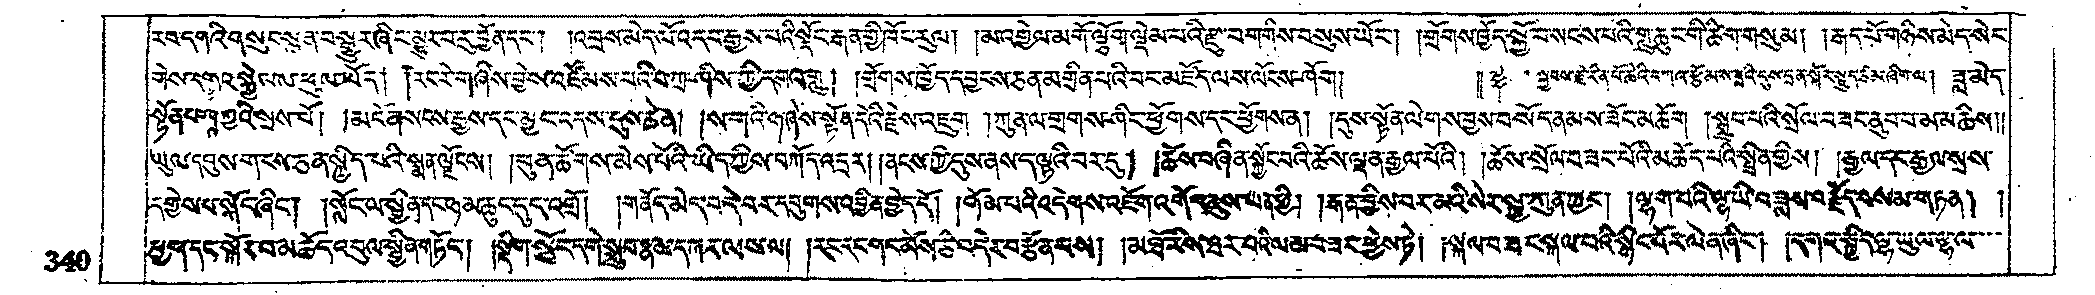རབ་དགའི་གསུང་སྙན་བསྒྱུར་ཞིང་མྱུར་བ་རུ་བྱོན་དང་། །འབྲས་མེད་ལོ་འདབ་རྒྱས་པའི་སྡོང་རྒན་གྱི་ཁོང་རུལ། །མ་འགྱེལ་མགོ་ལྕོག་ལྡེམ་པའི་རྫུ་བག་གིས་བསུས་ཡོང་། །གྲོགས་ཁྱོད་སྐྱོ་བ་སངས་པའི་གླུ་ཆུང་གི་ཚིག་གསུམ། །རྒད་པོ་གཉིས་མེད་སེང་
གེས་དགའ་སྐྱེལ་ལ་ཕུལ་ཡོད། །རང་རེ་གཞིས་བྱེས་འཛོམས་པའི་བཀྲ་ཤིས་ཀྱི་དགའ་གླུ། །གྲོགས་ཁྱོད་དབྱངས་ཅན་མགྲིན་པའི་བང་མཛོད་ལས་ལོངས་ཤོག། །། འ་༧སྐྱབས་རྗེ་རིན་པོ་ཆེའི་རྩོམས་ཟླའི་དུས་དྲན་སྐོར་སྤུད་ཙམ་ཞིག་ལ།  ཟླ་མེད་
སྟོན་པ་ཤཱཀྱའི་སྲས་པོ། །མངོན་སངས་རྒྱས་དང་མྱང་འདས་དུས་ཆེན། །ས་གའི་ཉ་ཞེས་སྟོན་དེའི་རྗེས་འཇུག །ཀུན་ལ་གྲགས་ཤིང་ཕྱོགས་དང་ཕྱོགས་ན། །དུས་སྟོན་ལེགས་བྱས་བསོད་ནམས་ཟོང་མཆོག །སྒྲུབ་པའི་སྲོལ་བཟང་ནུབ་པ་མ་མཆིས།།
ཡུལ་དབུས་གངས་ཅན་སྐྱིད་པའི་སྨན་ལྗོངས། །ཕུན་ཚོགས་མེས་པོའི་ཡིད་ཀྱིས་བཀོད་འདྲར། །ནངས་ཀྱི་དུས་ནས་ད་ལྟའི་བར་དུ། །ཆོས་བཞིན་སྐྱོང་བའི་ཆོས་ལྡན་རྒྱལ་པོའི། །ཆོས་སྲོལ་བཟང་པོའི་མཆོད་པའི་སྤྲིན་གྱིས། །རྒྱལ་དང་རྒྱལ་སྲས་
དགྱེས་པ་སྐོང་ཞིང་། །སློང་ལ་སྦྱིན་དང་ཉམ་ཆུང་དུད་འགྲོ། །གནོད་མེད་བདེ་བར་དབུགས་འབྱིན་བྱེད་དོ། །གོམ་པའི་འདེགས་འཇོག་འགོ་གནུས་ཡན་གྱི། །རྒན་བྱིས་བར་མའི་སེར་སྐྱ་ཀུན་ཀྱང་། །ལྷག་པའི་ལྷ་ཡི་བཟླས་བརྗོད་བསམ་གཏན། །
ཕྱག་དང་སྐོར་བ་མཆོད་འབུལ་སྦྱིན་གཏོང་། །སྡིག་སྤོང་དགེ་སྒྲུབ་རྣམ་དཀར་ལས་ལ། །རང་རང་གང་མོས་ཅི་བདེར་བརྩོན་པས། །མཐོ་རིས་ཐར་བའི་ལམ་བཟང་ཕྱེས་ཏེ། །སྐལ་བཟང་སྐལ་བའི་སྙིང་པོར་ལེན་ཞིང་། །དགའ་སྐྱིད་ལྷ་ཡུལ་ལྷ་ལ་་་